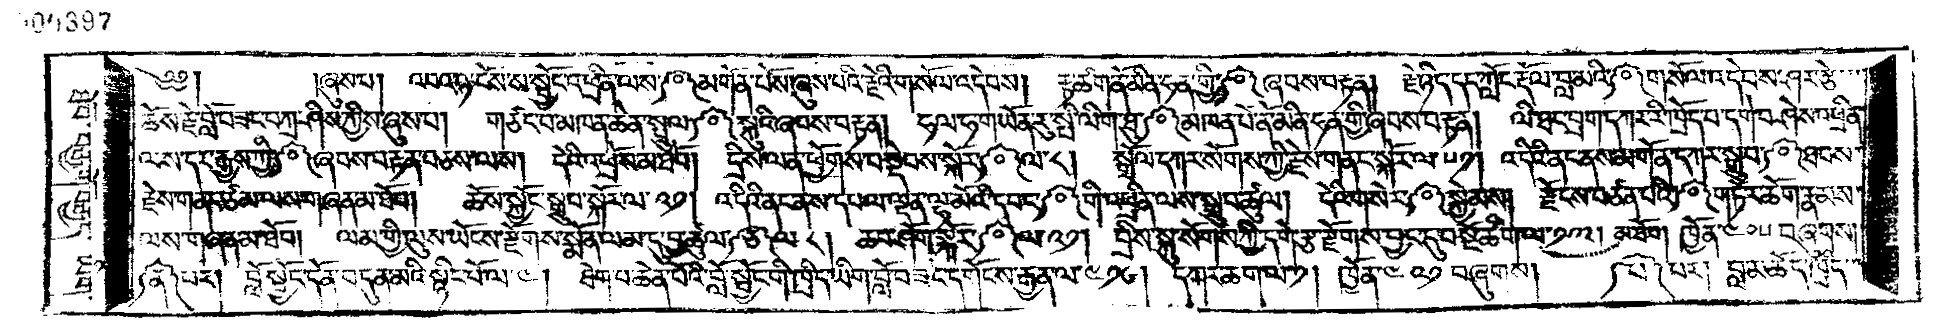༄༅། །ཞུས་པ། འབའ་ཉ་ངོས་ས་སྦྱོང་འཕྲིན་ལས་མགོན་པོས་ཞུས་པའི་རྗེའི་གསོལ་འདེབས། རྟ་ཚག་ནོ་མིན་ཧན་གྱི་ཞབས་བརྟན། རྗེ་ཉིད་དང་ཀློང་རྡོལ་བླ་མའི་གསོལ་འདེབས་ཤར་རྩེ་
ཆོས་རྗེ་བློ་བཟང་བཀྲ་ཤིས་ཀྱིས་ཞུས་པ། གཙང་བ་མཁན་ཆེན་སྤྲུལ་སྐུའི་ཞབས་བརྟན། ཧལ་ཧ་གཡོན་རུ་སྤི་ལིག་ཐུ་མཁན་པོ་ནོ་མིན་ཧན་གྱི་ཞབས་བརྟན། ལི་ཐང་བྲག་དཀར་རི་ཁྲོད་པ་དགེ་བཤེས་འཕྲིན་
ལས་དར་རྒྱས་ཀྱི་ཞབས་བརྟན་བཅས་ལས། དེའི་འཕྲོས་མ་ཐོབ། དྲིས་ལན་ཕྱོགས་བསྡེབས་སྐོར་ལ ༨། སྒྲོལ་དཀར་སོགས་ཀྱི་རྗེས་གནང་སྐོར་ལ ༥༡། འདིའི་ནང་ནས་མགོན་དཀར་སྒྲུབ་ཐབས་
རྗེས་གནང་ཙམ་ལས་གཞན་མ་ཐོབ། ཆོས་སྐྱོང་སྒྲུབ་སྐོར་ལ ༢༡། འདིའི་ནང་ནས་དཔལ་ལྡན་ལྷ་མོའི་དབང་གི་འཕྲིན་ལས་སྒྲུབ་ཚུལ། དེའི་གསེར་སྐྱེམས། རྫོངས་བཙན་པའི་གཏོར་ཆོག་རྣམས་
ལས་གཞན་མ་ཐོབ། ལམ་གྱི་ལུས་ཡོངས་རྫོགས་སྨོན་ལམ་དུ་བྱ་ཚུལ ༼ཅ༽ ལ ༨། ཆབ་ཤོག་སྐོར་ལ ༢༡། བྲིས་སྐུ་སོགས་ཀྱི་དགེ་རྩ་རྫོགས་བྱང་དུ་བསྔོ་ཚིག་ལ ༡༣། མ་ཐོབ།  ཁྱོན ༤༠༥་བཞུགས།
༼ན༽ པར། བློ་སྦྱོང་དོན་བདུན་མའི་སྙིང་པོ་ལ ༤། ཐེག་པ་ཆེན་པོའི་བློ་སྦྱོང་གི་ཁྲིད་ཡིག་བློ་བཟང་དགོངས་རྒྱན་ལ ༤༡༦། དཀར་ཆག་ལ ༡། ཁྱོན ༤༢༡་བཞུགས། ༼པ༽ པར། བླ་མཆོད་ཁྲིད་